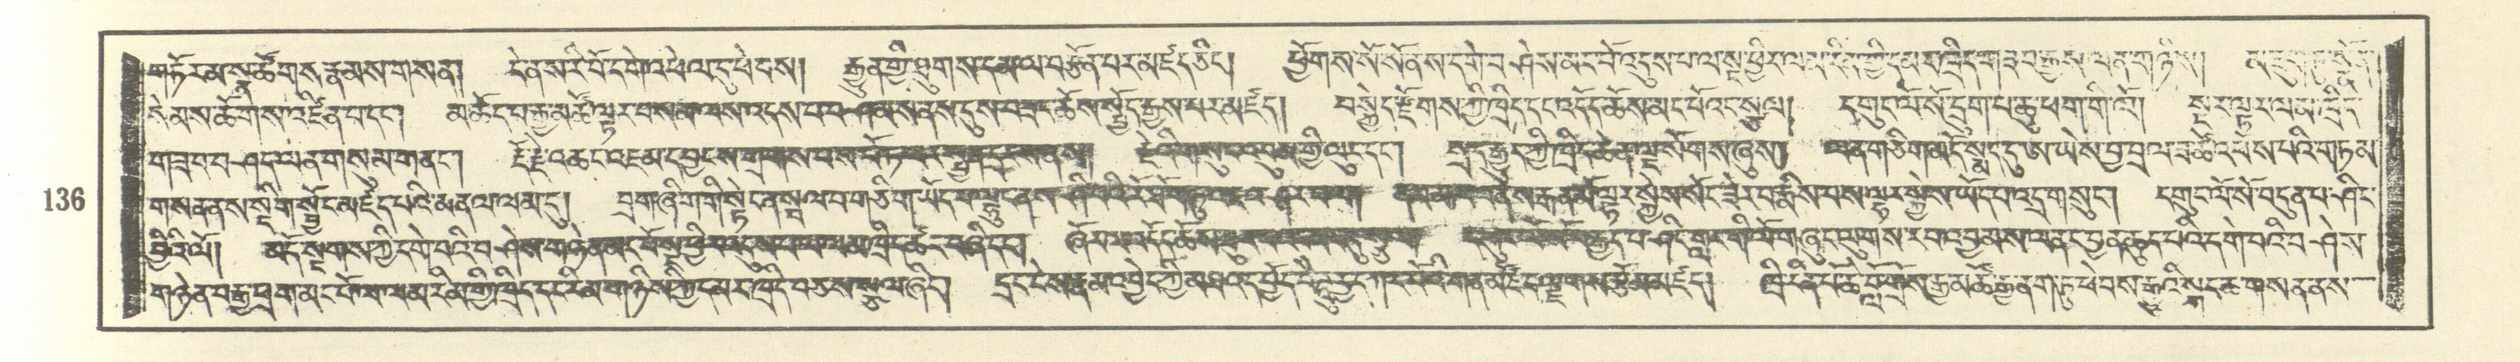གཏོར་མ་སྣ་ཚོགས་རྣམས་གསན། དེ་ནས་རི་བོ་དགེ་འཕེལ་དུ་ཕེབས། རྒྱུན་གྱི་ཐུགས་དམ་ལ་བརྩོན་བར་མཛད་ཅིང་། ཕྱོགས་སོ་སོ་ནས་དགེ་བཤེས་མང་པོ་འདུས་པ་ལ་སྔ་ཕྱིར་ལམ་རིམ་གྱི་དམར་ཁྲིད་གཟབ་རྒྱས་ལན་གཉིས། མཇུག་ཏུ་སྨོན་
སེམས་ཚོགས་འཛིན་པ་དང་། མཆོད་པ་རྒྱ་མཚོ་ལྟར་བསམ་ལས་འདས་པ་བཤམས་ནས་དུས་བཟང་ཆོས་སྤྱོད་རྒྱས་པར་མཛད། བསྐྱེད་རྫོགས་ཀྱི་ཁྲིད་དང་འདོད་ཆོས་མང་པོའང་སྩལ། དགུང་ལོ་སོ་དྲུག་པ་ཆུ་ཕག་གི་ལོ། སྔར་ལྟར་ལམ་ཁྲིད་
གཟབ་བཤད་ལན་གསུམ་གནང་། རྡོ་རྗེ་འཆང་འཇམ་དབྱངས་གྲགས་པས་བོ་ཏ་ལར་སྤྱན་དྲངས་ནས། རྗེའི་གསུང་འབུམ་གྱི་ལུང་དང་། སྲད་རྒྱུད་ཀྱི་ཁྲིད་ཆེན་ལྔ་སོགས་ཞུས། ལན་གཅིག་མདོ་སྨད་དུ་ཨ་ཡེས་བྱ་བྲལ་ཟ་ཚེ་འཕོས་པའི་གཏམ་
གསན་ནས་སྡིག་སྦྱོང་མཛད་པའི་མནལ་ལམ་དུ། བྲག་ཞིག་གི་སྟེང་ནས་སྤལ་བ་གཅིག་ཡོད་པ་ལྷུང་ནས་ཤི་བའི་རོ་ཐོག་ཏུ་འཇའ་ཤར་བ་ལ། ནམ་མཁའ་ནས་རྒན་མོ་ལྟར་སྐྱེས་སོང་ཟེར་བ་རྨིས་པས་ལྷར་སྐྱེས་ཡོད་པ་འདྲ་གསུང་། དགུང་ལོ་སོ་བདུན་པ་ཤིང་
བྱིའི་ལོ། མདོ་སྔགས་ཀྱི་དགེ་བའི་བཤེས་གཉེན་མང་པོ་སྔ་ཕྱིར་འདུས་པ་ལ་ལམ་ཁྲིད་ཚར་བཞི་དང་། ཞོར་ལ་འདོད་ཆོས་ཟུར་བའང་མང་དུ་སྩལ། དགུང་ལོ་སོ་བརྒྱད་པ་ཤིང་གླང་གི་ལོ་གཞུང་ལུགས་རབ་འབྱམས་ལ་ནང་བྱང་ཆུད་པའི་དགེ་བའི་བཤེས་
གཉེན་བརྒྱ་ཕྲག་མང་པོ་ལ་ཡམ་རིམ་གྱི་ཁྲིད་དང་རིམ་གཉིས་ཀྱི་དམར་ཁྲིད་བཅས་ཙལ་ཞིང་། དྲང་ངེས་རྣམ་འབྱེད་ཀྱི་མཐའ་དཔྱོད་བཻཌཱུརྱ་དཀར་པོའི་གན་མཛོད་ལྗགས་རྩོམ་མཛད། ཁྲི་རིན་པོ་ཆེ་བློ་གྲོས་རྒྱ་མཚོ་རྒྱ་ནག་ཏུ་ཕེབས་རྒྱུའི་སྐང་ཆགས་ན་ནས་